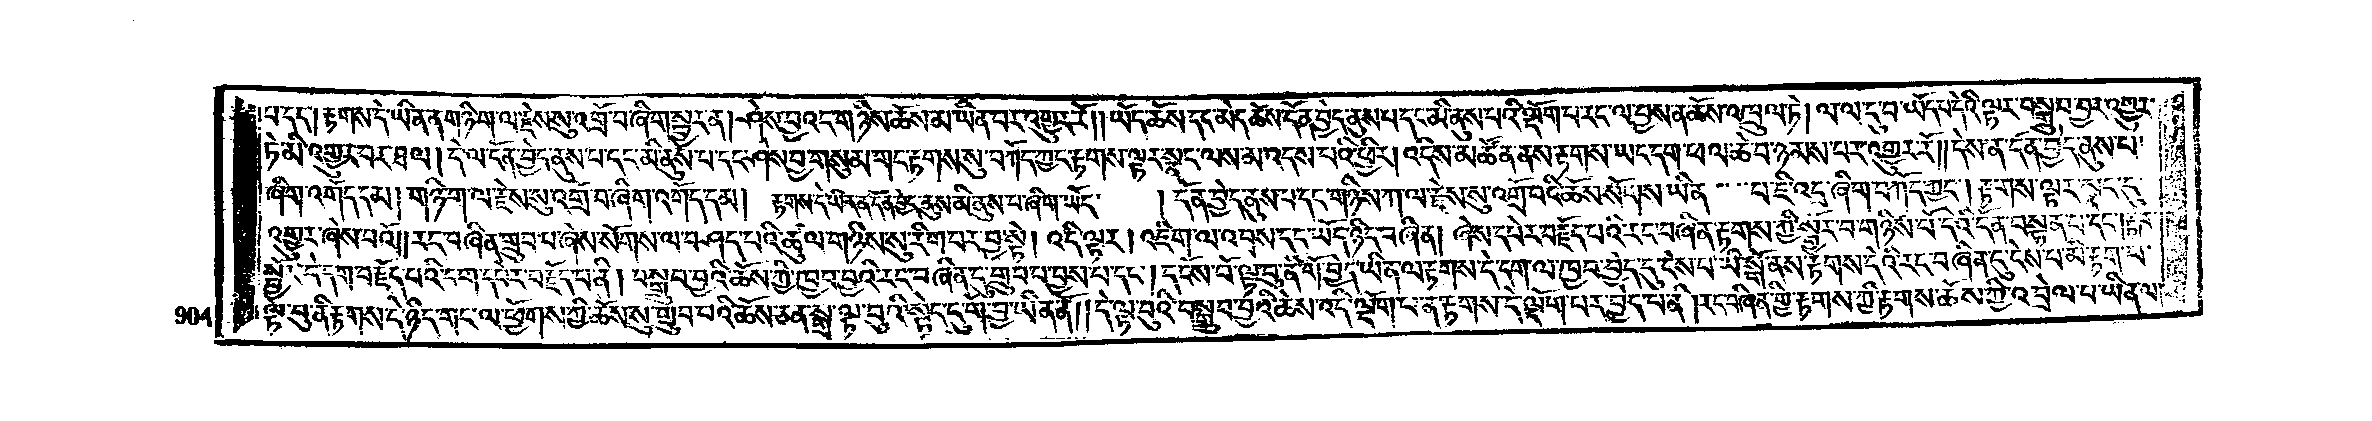པ་དང་། རྟགས་དེ་ཡིན་ན་གཉི་ག་ལ་རྗེས་སུ་འགྲོ་བ་ཞིག་སྦྱར་ན། ཤེས་བྱའང་གཉིས་ཆོས་མ་ཡིན་པར་འགྱུར་རོ། །ཡོད་ཆོས་དང་མེད་ཆོས་དོན་བྱེད་ནུས་པ་དང་མི་ནུས་པའི་ལྡོག་པ་རང་ལ་བྱས་ན་ཆོས་འཁྲུལ་ཏེ། ལ་ལ་དུ་བ་ཡོད་པ་དེའི་ལྟར་བསྒྲུབ་བྱར་འགྱུར་
ཏེ་མི་འགྱུར་བར་ཐལ། དེ་ལ་དོན་བྱེད་ནུས་པ་དང་མི་ནུས་པ་དང་ཤེས་བྱ་གསུམ་གང་རྟགས་སུ་བཀོད་ཀྱང་རྟགས་ལྟར་སྣང་ལས་མ་འདས་པའི་ཕྱིར། འདིས་མཚོན་ནས་རྟགས་ཡང་དག་ཕལ་ཆེ་བ་ཉམས་པར་འགྱུར་རོ། །དེས་ན་དོན་བྱེད་ནུས་པ་
ཞིག་འགོད་དམ། གཉི་ག་ལ་རྗེས་སུ་འགྲོ་བ་ཞིག་འགོད་དམ། རྟགས་དེ་ཡིན་ན་དོན་བྱེད་ནུས་མི་ནུས་པ་ཞིག་ཡོད། དོན་བྱེད་ནུས་པ་དང་གཉིས་ཀ་ལ་རྗེས་སུ་འགྲོ་བའི་ཆོས་སོགས་ཡིན་པ་ཇི་འདྲ་ཞིག་བཀོད་ཀྱང་། རྟགས་ལྟར་སྣང་དུ་
འགྱུར་ཞེས་པའོ། །རང་བཞིན་གྲུབ་པ་ཞེས་སོགས་ལ་བཤད་པའི་ཚུལ་གཉིས་སུ་རིག་པར་བྱ་སྟེ། འདི་ལྟར། འཇིག་ལ་འབྲས་དང་ཡོད་ཉིད་བཞིན། ཞེས་དཔེར་བརྗོད་པའི་རང་བཞིན་རྟགས་ཀྱི་སྦྱོར་བ་གཉིས་པོ་དེའི་དོན་བསྟན་པ་དང་། རྟགས་
སྦྱོར་དེ་དག་བརྗོད་པའི་ངག་དཔེར་བརྗོད་པ་ནི། བསྒྲུབ་བྱའི་ཆོས་ཀྱི་ཁྱབ་བྱའི་རང་བཞིན་དུ་གྲུབ་པ་བྱས་པ་དང་། དངོས་པོ་ལྟ་བུ་ནི་གོ་བྱེད་ཡིན་ལ་རྟགས་དེ་དག་ལ་ཁྱབ་བྱེད་དུ་ངེས་པ་ཡི་སྒོ་ནས་རྟགས་དེའི་རང་བཞིན་དུ་ངེས་པ་མི་རྟག་པ་
ལྟ་བུ་ནི་རྟགས་དེ་ཉིད་གང་ལ་ཕྱོགས་ཀྱི་ཆོས་སུ་གྲུབ་པའི་ཆོས་ཅན་སྒྲ་ལྟ་བུའི་སྟེང་དུ་གོ་བྱ་ཡིན་ནོ། །དེ་ལྟ་བུའི་བསྒྲུབ་བྱའི་ཆོས་འདི་ལྡོག་པ་ན་རྟགས་དེ་ལྡོག་པར་བྱེད་པ་ནི། རང་བཞིན་གྱི་རྟགས་ཀྱི་རྟགས་ཆོས་ཀྱི་འབྲེལ་པ་ཡིན་ལ་